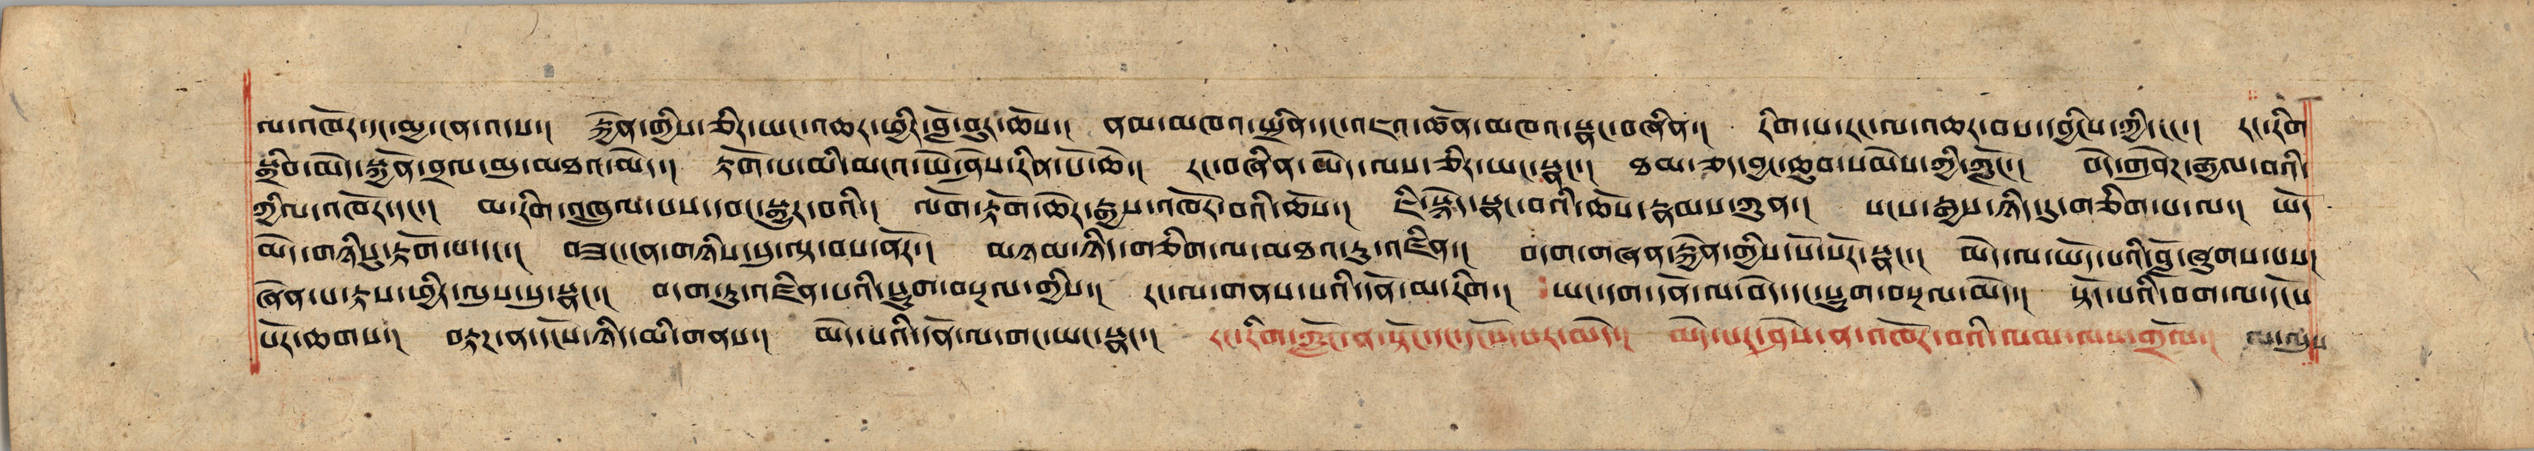ལ་འཁོར་དང་མྱ་ངན་འདས་། རྐྱེན་གྱིས་ཅིར་ཡང་འཆར་ཕྱིར་བློ་བུར་ཆོས་། ནམ་མཁའ་སྤྲིན་དང་འཇའ་ཚོན་མཁའ་སྣང་བཞིན་། རིག་པ་རང་ལ་འཆར་བས་དབྱིངས་ཀྱི་ངང་། རང་རིག
སྒྲིབ་མེད་སྐྱོན་བྲལ་མུ་མཐའ་མེད་། རྟོག་པ་མི་མངའ་ཡེ་ཤེས་རིན་པོ་ཆེ་། རང་བཞིན་མེད་ལས་ཅིར་ཡང་སྣང་་། ཐམ་ཅད་བྱང་ཆུབ་སེམས་ཀྱི་ཀློང་། བདེ་གཤེཌ་རྒྱལ་བའི་
ཀྱིལ་འཁོར་དང་། མ་རིག་འཁྲུལ་པས་དབང་སྒྱུར་བའི་། ལོག་རྟོག་ཆེར་རྒྱས་འཁོར་བའི་ཆོས་། ཇི་སྙེད་སྣང་བའི་ཆོས་རྣམས་ཀུན་། སངས་རྒྱས་ཉིད་དུ་གཅིག་པ་ལ་། ཡོད
མེད་གཉིསུ་རྟོག་པ་དང་། བཟང་ངན་གཉིས་སུ་ལྟ་བས་ནོར་། མཉམ་ཉིད་གཅིག་ལ་མཐའ་རུ་འཛིན་། བདག་གཞན་རྐྱེན་གྱིས་སོ་སོར་སྣང་། མེད་ལ་ཡོད་པའི་བློ་ཞུགས་པས་།
ཞེན་པ་རྟས་ཕྱིར་ལུས་སུ་སྣང་། བདག་ཏུ་འཛིན་པའི་སྡུག་བསྔལ་གྱིས་། རང་ལ་གནས་པའི་དོན་མ་རིག་། ཡང་དག་དོན་ལ་བདེ་དང་སྡུག་བསྔལ་མེད་། སྟོང་པའི་བག་ལ་དངོས་
པོར་ཆགས་། བརྟཌ་ན་དངོས་ཉིད་མི་གནས་། མེད་པའི་དོན་ལ་གང་ཡང་སྣང་། རང་རིག་ཀློང་ན་སྟོང་དང་དངོས་པར་མེད་། མེད་པར་ཤེས་ན་འཁོར་བའི་ལམ་ལས་གྲོལ་། མ་ལུས་